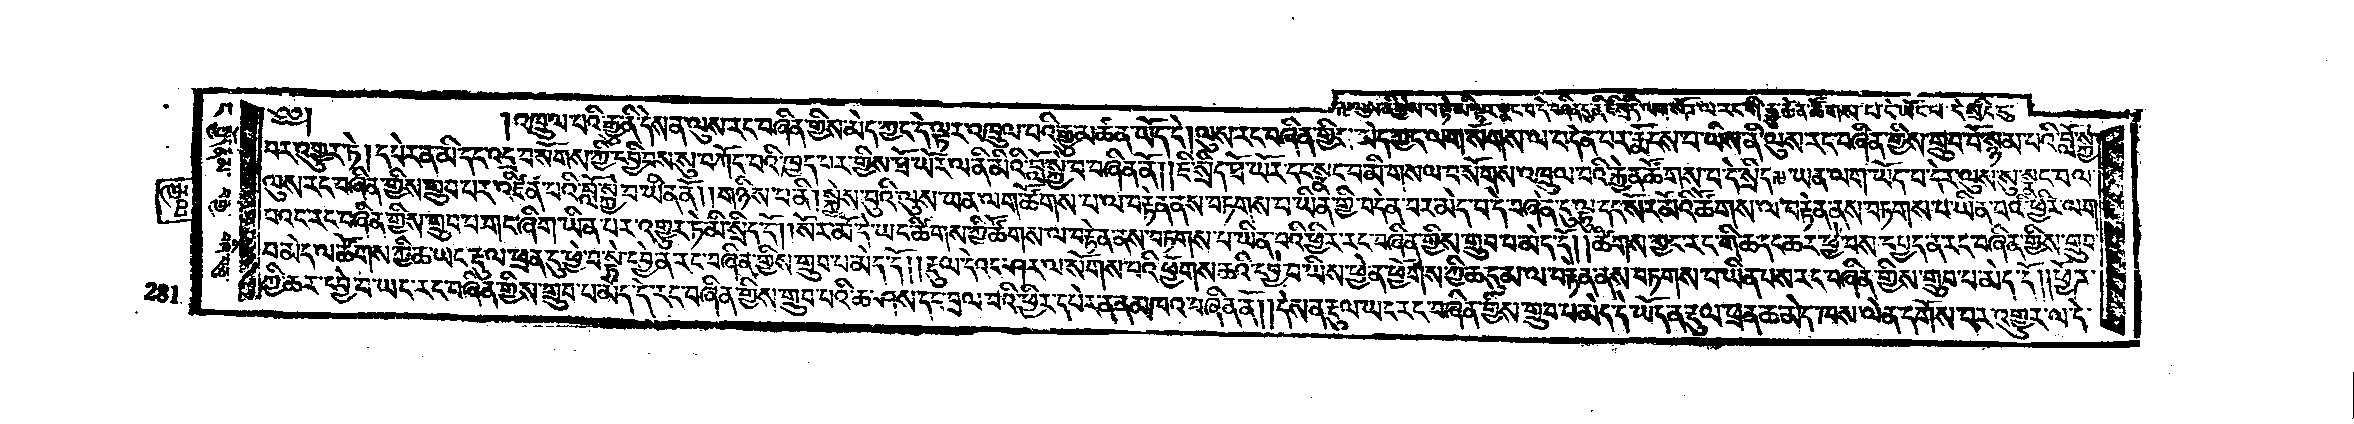༄༅། །འཁྲུལ་པའི་རྒྱུ་ནི་དེས་ན་ལུས་རང་བཞིན་གྱིས་མེད་ཀྱང་དེ་ལྟར་འཁྲུལ་པའི་རྒྱུ་མཚན་ཡོད་དེ། ལུས་རང་བཞིན་གྱིས་མེད་ཀྱང་ལག་སོགས་ལ་བདེན་པར་རྨོངས་པ་ཡིས་ནི་ལུས་རང་བཞིན་གྱིས་གྲུབ་པོ་སྙམ་པའི་བློ་སྐྱེ་
བར་འགྱུར་ཏེ། དཔེར་ན་མི་དང་འདྲ་བ་སོགས་ཀྱི་དབྱིབས་སུ་བཀོད་པའི་ཁྱད་པར་གྱིས་ཐོ་ཡོར་ལ་ནི་མིའི་བློ་སྐྱེ་བ་བཞིན་ནོ། །ཇི་སྲིད་ཐོ་ཡོར་དང་སྣང་བ་མི་གསལ་བ་སོགས་འཁྲུལ་པའི་རྐྱེན་ཚོགས་པ་དེ་སྲིད་ལུས་ནི་སྐྱེས་པ་སྟེ་མི་ལྟར་སྣང་བ་དེ་བཞིན་དུ་ནི་ཇི་སྲིད་ལག་སོགས་ལ་རང་གི་རྒྱུ་ཚེན?་ཚོགས་པ་དེ་ཡོང་བ་དེ་སྲིད་དུ་ཡན་ལག་ཡོད་པ་དེར་ལུས་སུ་སྣང་བ་ལ་
ལུས་རང་བཞིན་གྱིས་གྲུབ་པར་འཛིན་པའི་བློ་སྐྱེ་བ་ཡིན་ནོ། །གཉིས་པ་ནི། སྐྱེས་བུའི་ལུས་ཡན་ལག་ཚོགས་པ་ལ་བརྟེན་ནས་བཏགས་པ་ཡིན་གྱི་བདེན་པར་མེད་པ་དེ་བཞིན་དུ་ལྷུ་དང་སོར་མོའི་ཚོགས་ལ་བརྟེན་ནས་བཏགས་པ་ཡིན་པའི་ཕྱིར་ལག་
པའང་རང་བཞིན་གྱིས་གྲུབ་པ་གང་ཞིག་ཡིན་པར་འགྱུར་ཏེ་མི་སྲིད་དོ། །སོར་མོ་དེ་ཡང་ཚིགས་ཀྱི་ཚོགས་ལ་བརྟེན་ནས་བཏགས་པ་ཡིན་པའི་ཕྱིར་རང་བཞིན་གྱིས་གྲུབ་པ་མེད་དོ། །ཚིགས་ཀྱང་རང་གི་ཆ་དང་ཆར་ཕྱེ་བས་དཔྱད་ན་རང་བཞིན་གྱིས་གྲུབ་
པ་མེད་ལ་ཚོགས་ཀྱི་ཆ་ཡང་རྡུལ་ཕྲན་དུ་ཕྱེ་བ་སྟེ་དབྱེ་ན་རང་བཞིན་གྱིས་གྲུབ་པ་མེད་དོ། །རྡུལ་དེའང་ཤར་ལ་སོགས་པའི་ཕྱོགས་ཆའི་དབྱེ་བ་ཡིས་ཕྱེ་ན་ཕྱོགས་ཀྱི་ཆ་དུ་མ་ལ་བརྟེན་ནས་བཏགས་པ་ཡིན་པས་རང་བཞིན་གྱིས་གྲུབ་པ་མེད་དོ། །ཕྱོགས་
ཀྱི་བར་དབྱེ་བ་ཡང་རང་བཞིན་གྱིས་གྲུབ་པ་མེད་དེ་རང་བཞིན་གྱིས་གྲུབ་པའི་ཆ་ཤས་དང་བྲལ་བའི་ཕྱིར་དཔེར་ན་ནམ་མཁའ་བཞིན་ནོ། །དེས་ན་རྡུལ་ཡང་རང་བཞིན་གྱིས་གྲུབ་པ་མེད་དེ་ཡོད་ན་རྡུལ་ཕྲན་ཆ་མེད་ཁས་ལེན་དགོས་པར་འགྱུར་ལ་དེ་